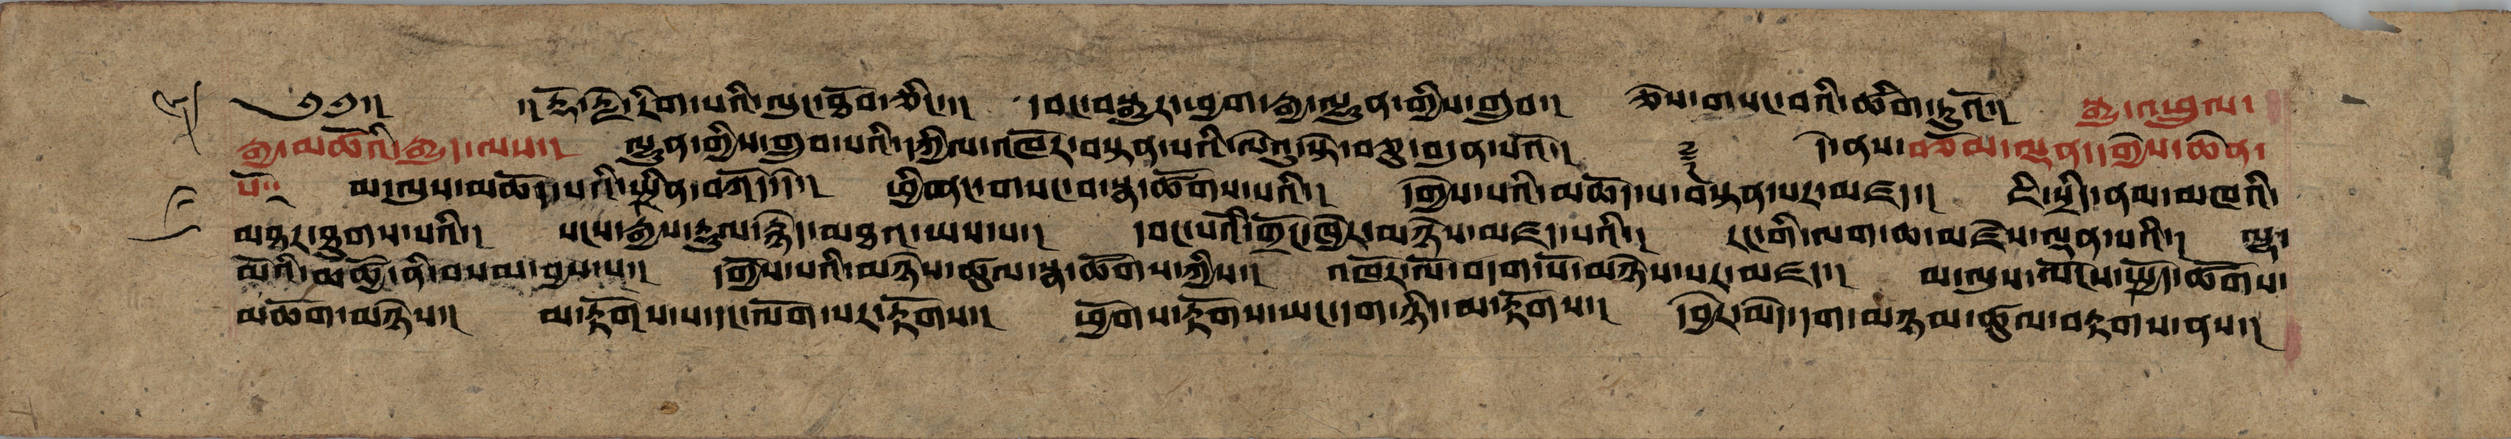༄༅་། ་།རྡོ་རྗེ་རིག་པའི་ལུང་ཐོབ་ཅིང་་། དབང་བསྒྱུར་ཕྱག་རྒྱ་ལྷུན་གྱིས་གྲུབ་། ཅེས་གསང་བའི་ཚིག་ཏུའོ་། སྒྱུ་འཕྲུལ་
རྒྱ་མཚོའི་རྒྱུད་ལས་། ལྷུན་གྱིས་གྲུབ་པའི་དཀྱིལ་འཁོར་བསྟན་པའི་ལེའུ་སྟེ་བཅུ་བདུན་པའོ་། ࿑ དེ་ནས་བཅོམ་ལྡན་དགྱེས་ཆེན་
སོ༑ མ་ལུས་མཆོད་པའི་སྤྲིན་བཀོད་དེ་། ཕྱི་ནང་གསང་བ་སྣ་ཚོགས་པའི་། དགྱེས་པའི་མཆོད་པ་བསྟན་པར་མཛད་། ཇི་སྲིད་ནམ་མཁའི་
མཐར་ཐུགས་པའི་། སངས་རྒྱས་རྡུལ་རྙེད་མཐའ་ཡས་པ་། དབང་པོའི་གྲོང་ཁྱེར་མཉེས་མཛད་པའི་། རང་གི་ལག་ཆ་མཛེས་ལྡན་པའི་། ལྷ་
མོའི་མཚྱོ་ནི་ནི་བསམ་བྱས་པ་། དགྱེས་པའི་མཉེས་ཚུལ་སྣ་ཚོགས་ཀྱིས་། འཁོར་ལོ་བདག་པོ་མཉེས་པར་མཛད་། མ་ལུས་ལོངས་སྤྱོད་ཚོགས་
མཆོག་མཉེས་། མ་རྟོགས་པ་དང་ལོག་པར་རྟོགས་། ཕྱོགས་རྟོགས་ཡང་དག་ཉིད་མ་རྟོགས་། དབྱེར་མེད་དག་མཉམ་ཚུལ་བརྟག་ནས་།